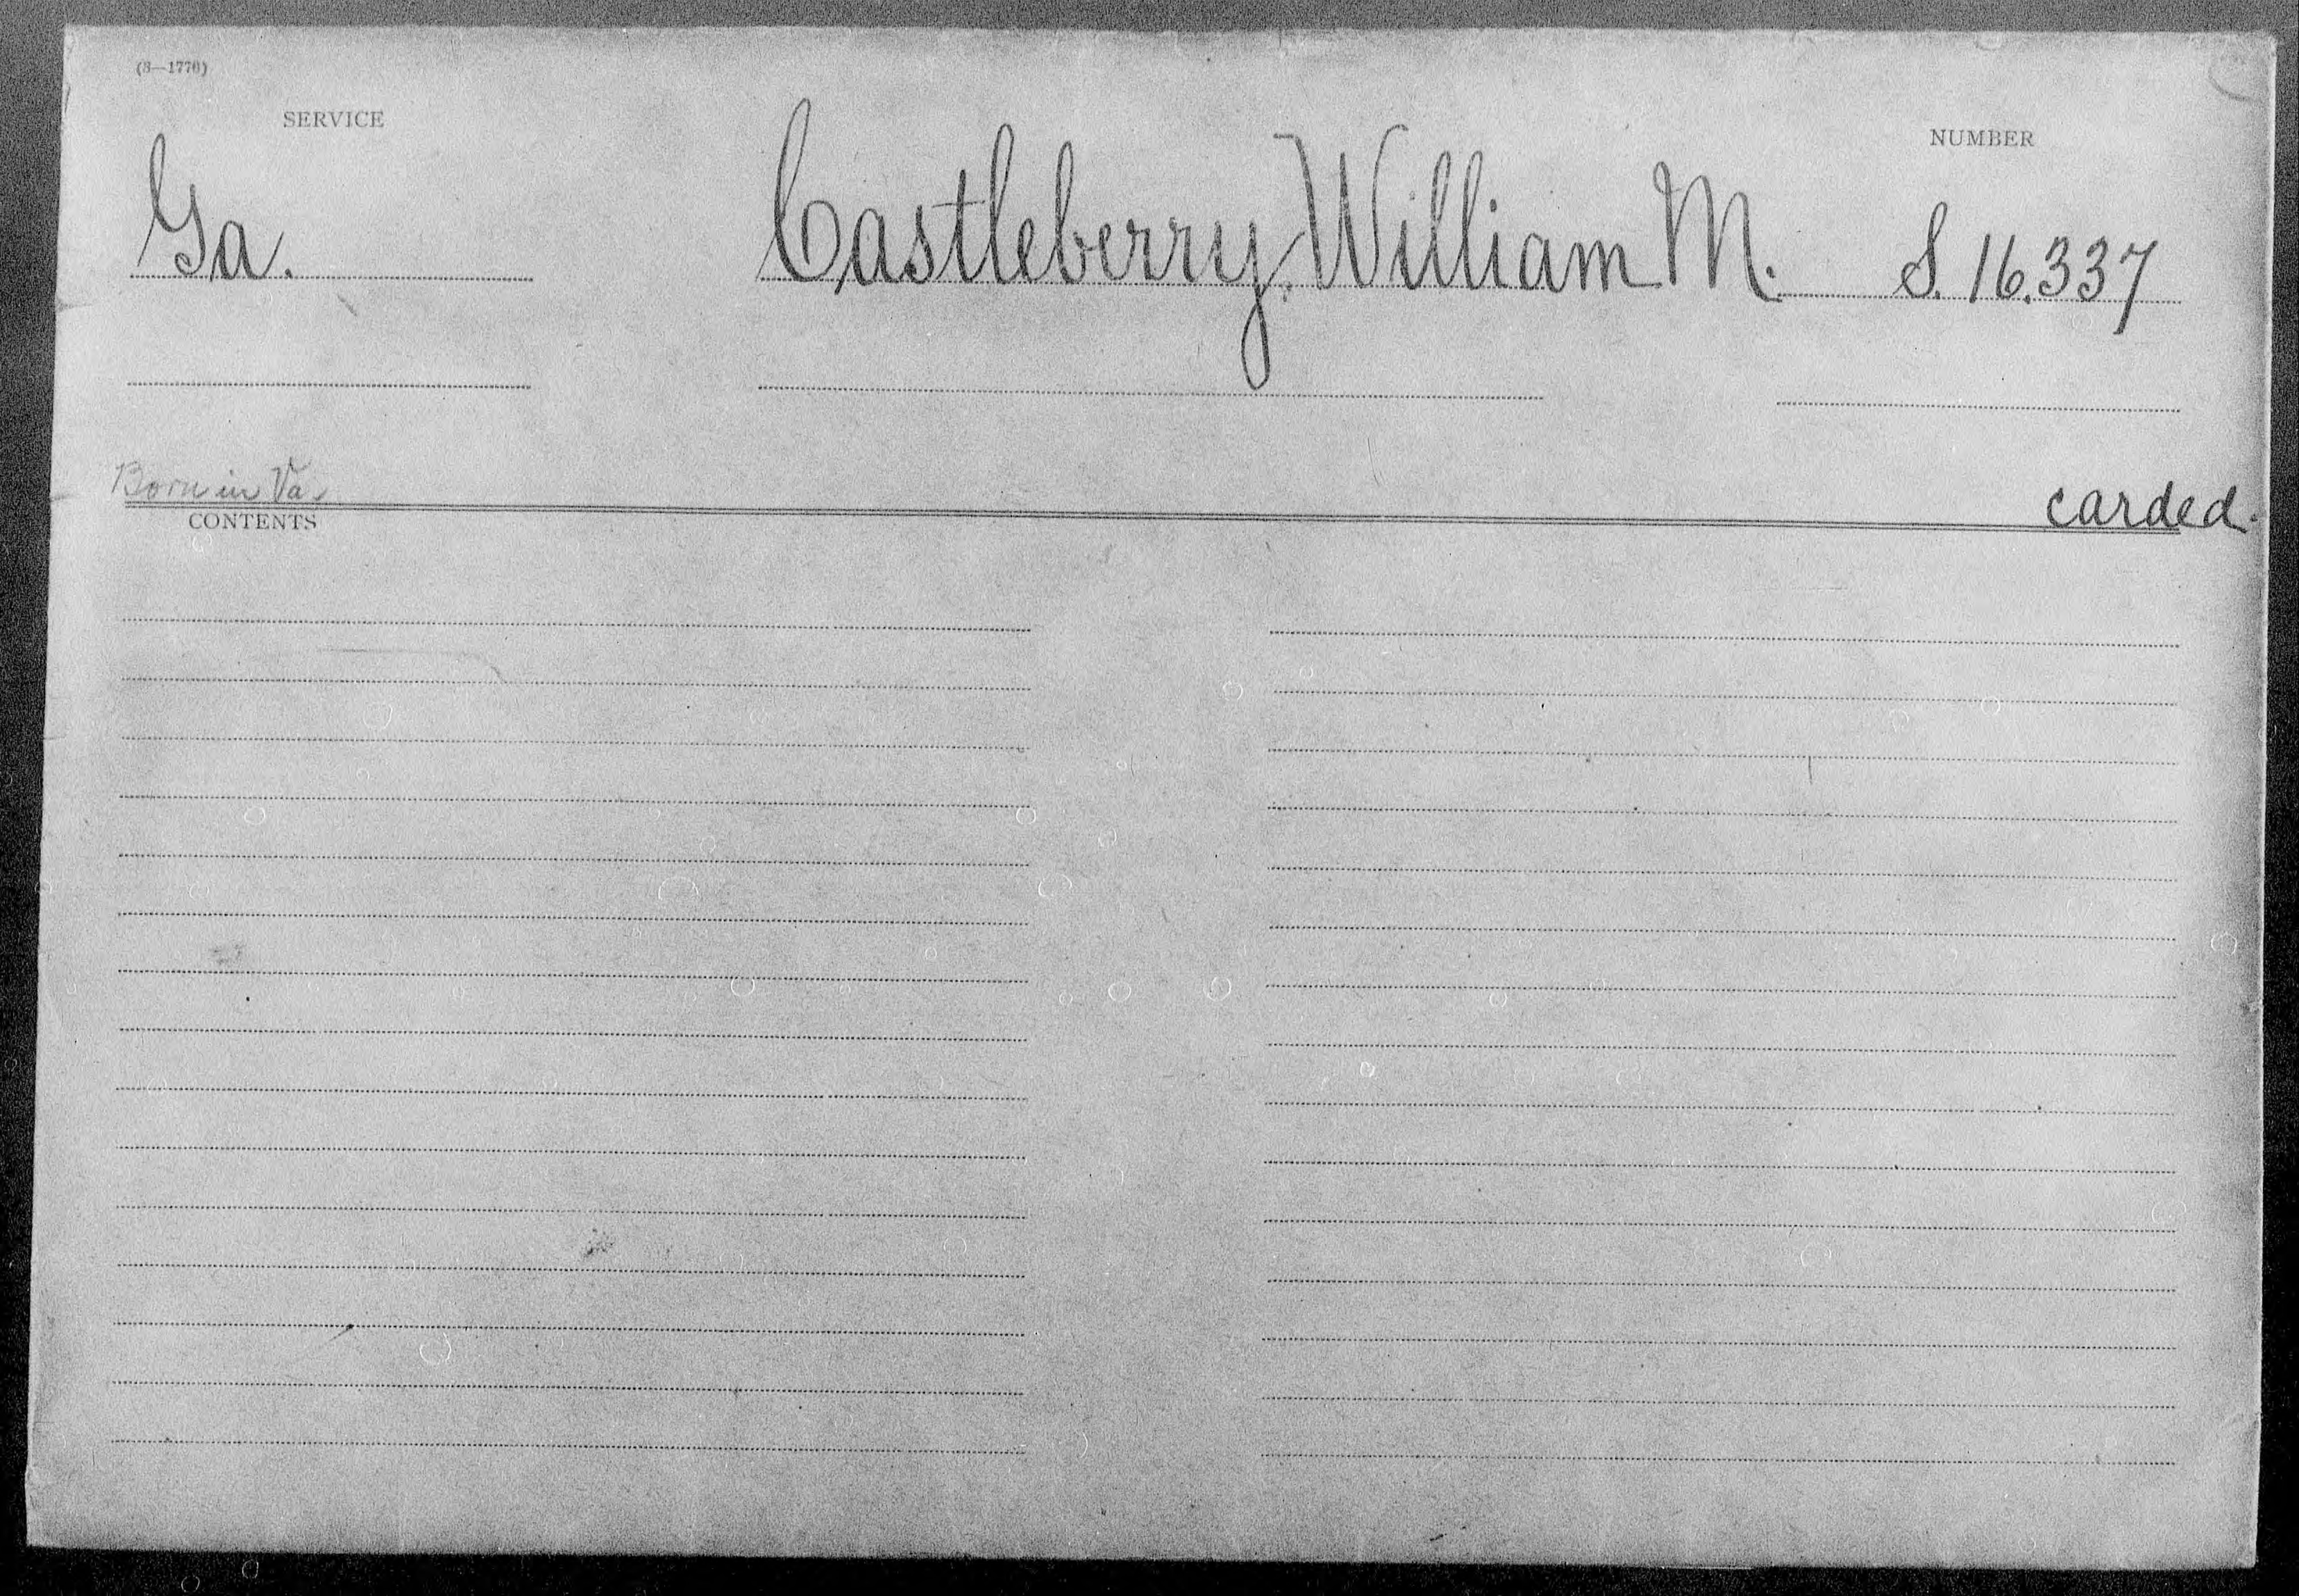Ga.
Castleberry, William M.
S 16,337

carded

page: 1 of 20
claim: survivor's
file: S. 16,337, William M Castleberry, Ga.